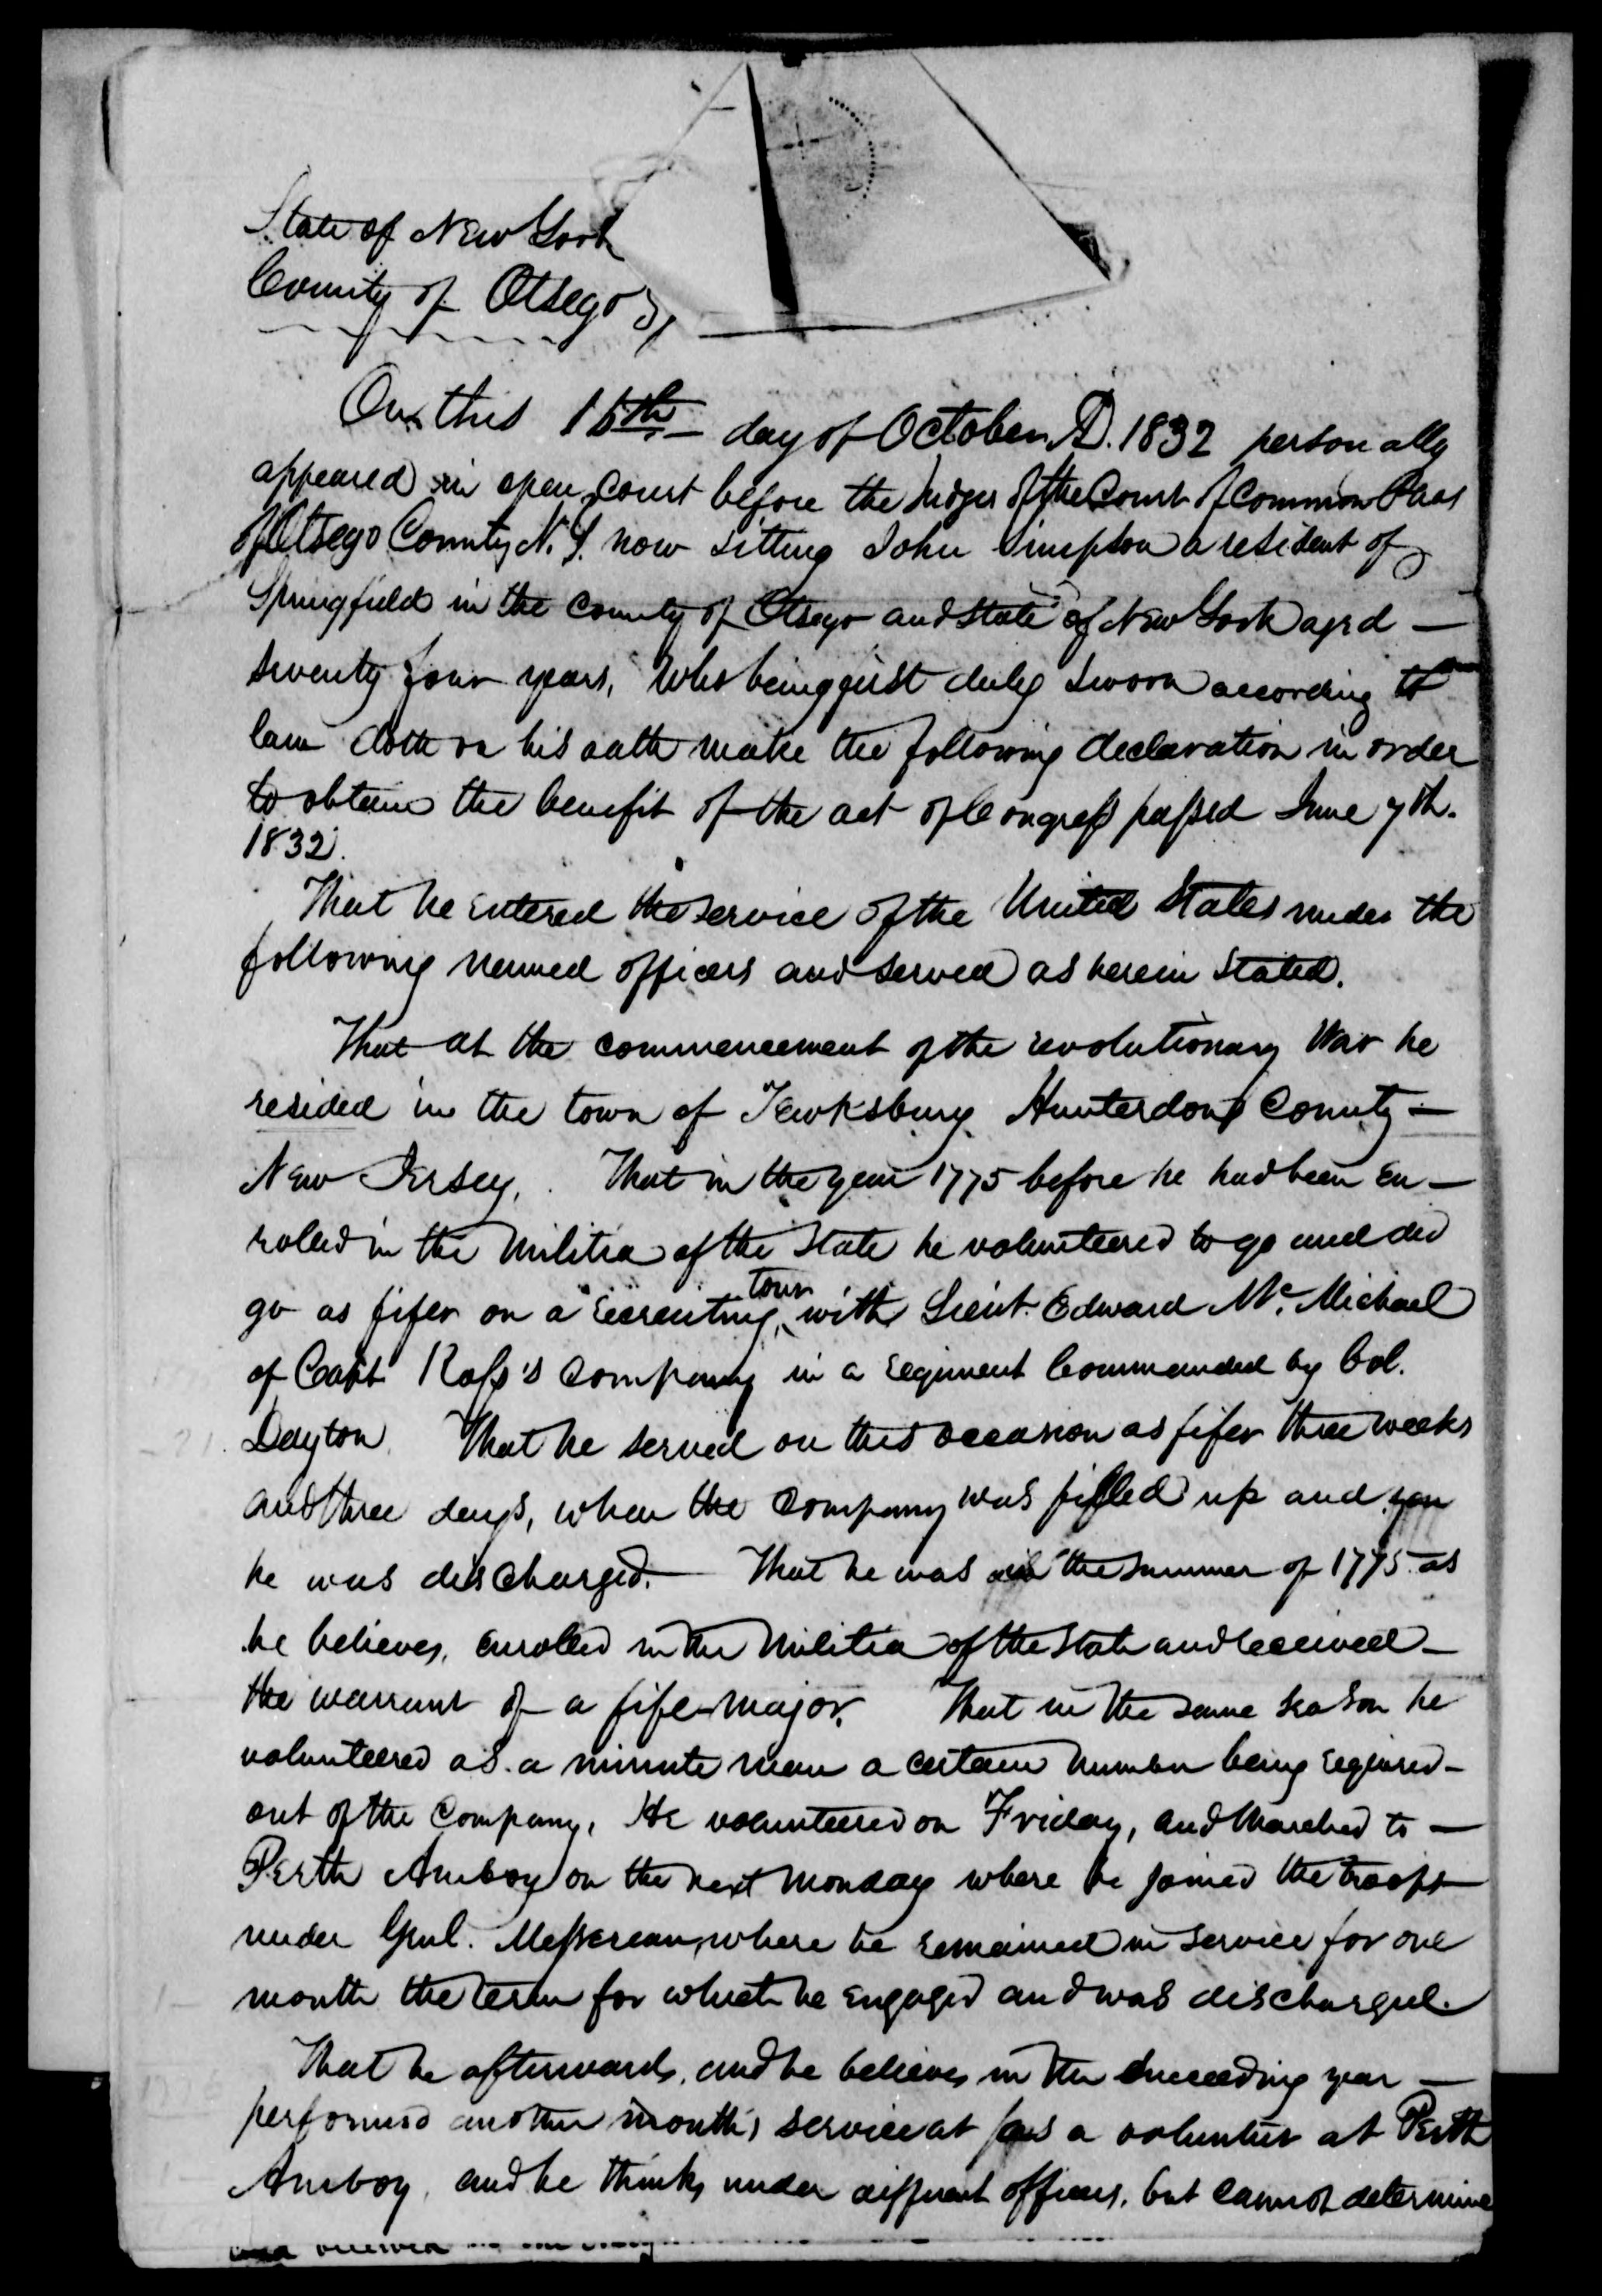State of New York}
County of Otsego}
---
On this 16th day of October AD. 1832 personally appeared in open Court before the Judges of the Court of Common Pleas of
Otsego County N. Y. now sitting John Simpson a resident of Springfield in the County of Otsego and State of New York aged
seventy four years, who being first duly sworn according to law doth on his oath make the following declaration in order to obtain the benefit of the act of Congress passed June 7th
1832.
That he entered the service of the United States under the following named officers and served as herein stated.
That at the commencement of the Revolutionary War he resided in the town of Tewksbury Hunterdon County - New Jersey. That in the year 1775 before he had been enrolled in the Militia of the State he volunteered to go and did go as fifer on a "recruiting tour" with Lieut. Edward McMichael
of Capt Ross's Company in a regiment commanded by Col. Dayton.
That he served on this occasion as fifer three weeks and three days, when the company was filled up and (unknown) he was discharged. That he was in the summer of 1775 as
he believes, enrolled in the Militia of the State and received - the warrant of a fife-major. That in the same season he volunteered as a minute man a certain number being required - out of the Company. He volunteered on Friday, and Marched to - Perth Amboy on the next Monday where he joined the troops
under Genl. Messereau where he remained in service for one month the term for which he engaged and was discharged. 
That he afterwards, and he believes in the succeeding year - performed another month's service at as a volunteer at Perth Amboy, and he thinks under different officers, but cannot determine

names: [BLANK] Dayton; John Simpson; [BLANK] Messereau; Edward Mc Michael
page: 2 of 35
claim: rejected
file: R. 9601, for John Simson, New Jersey